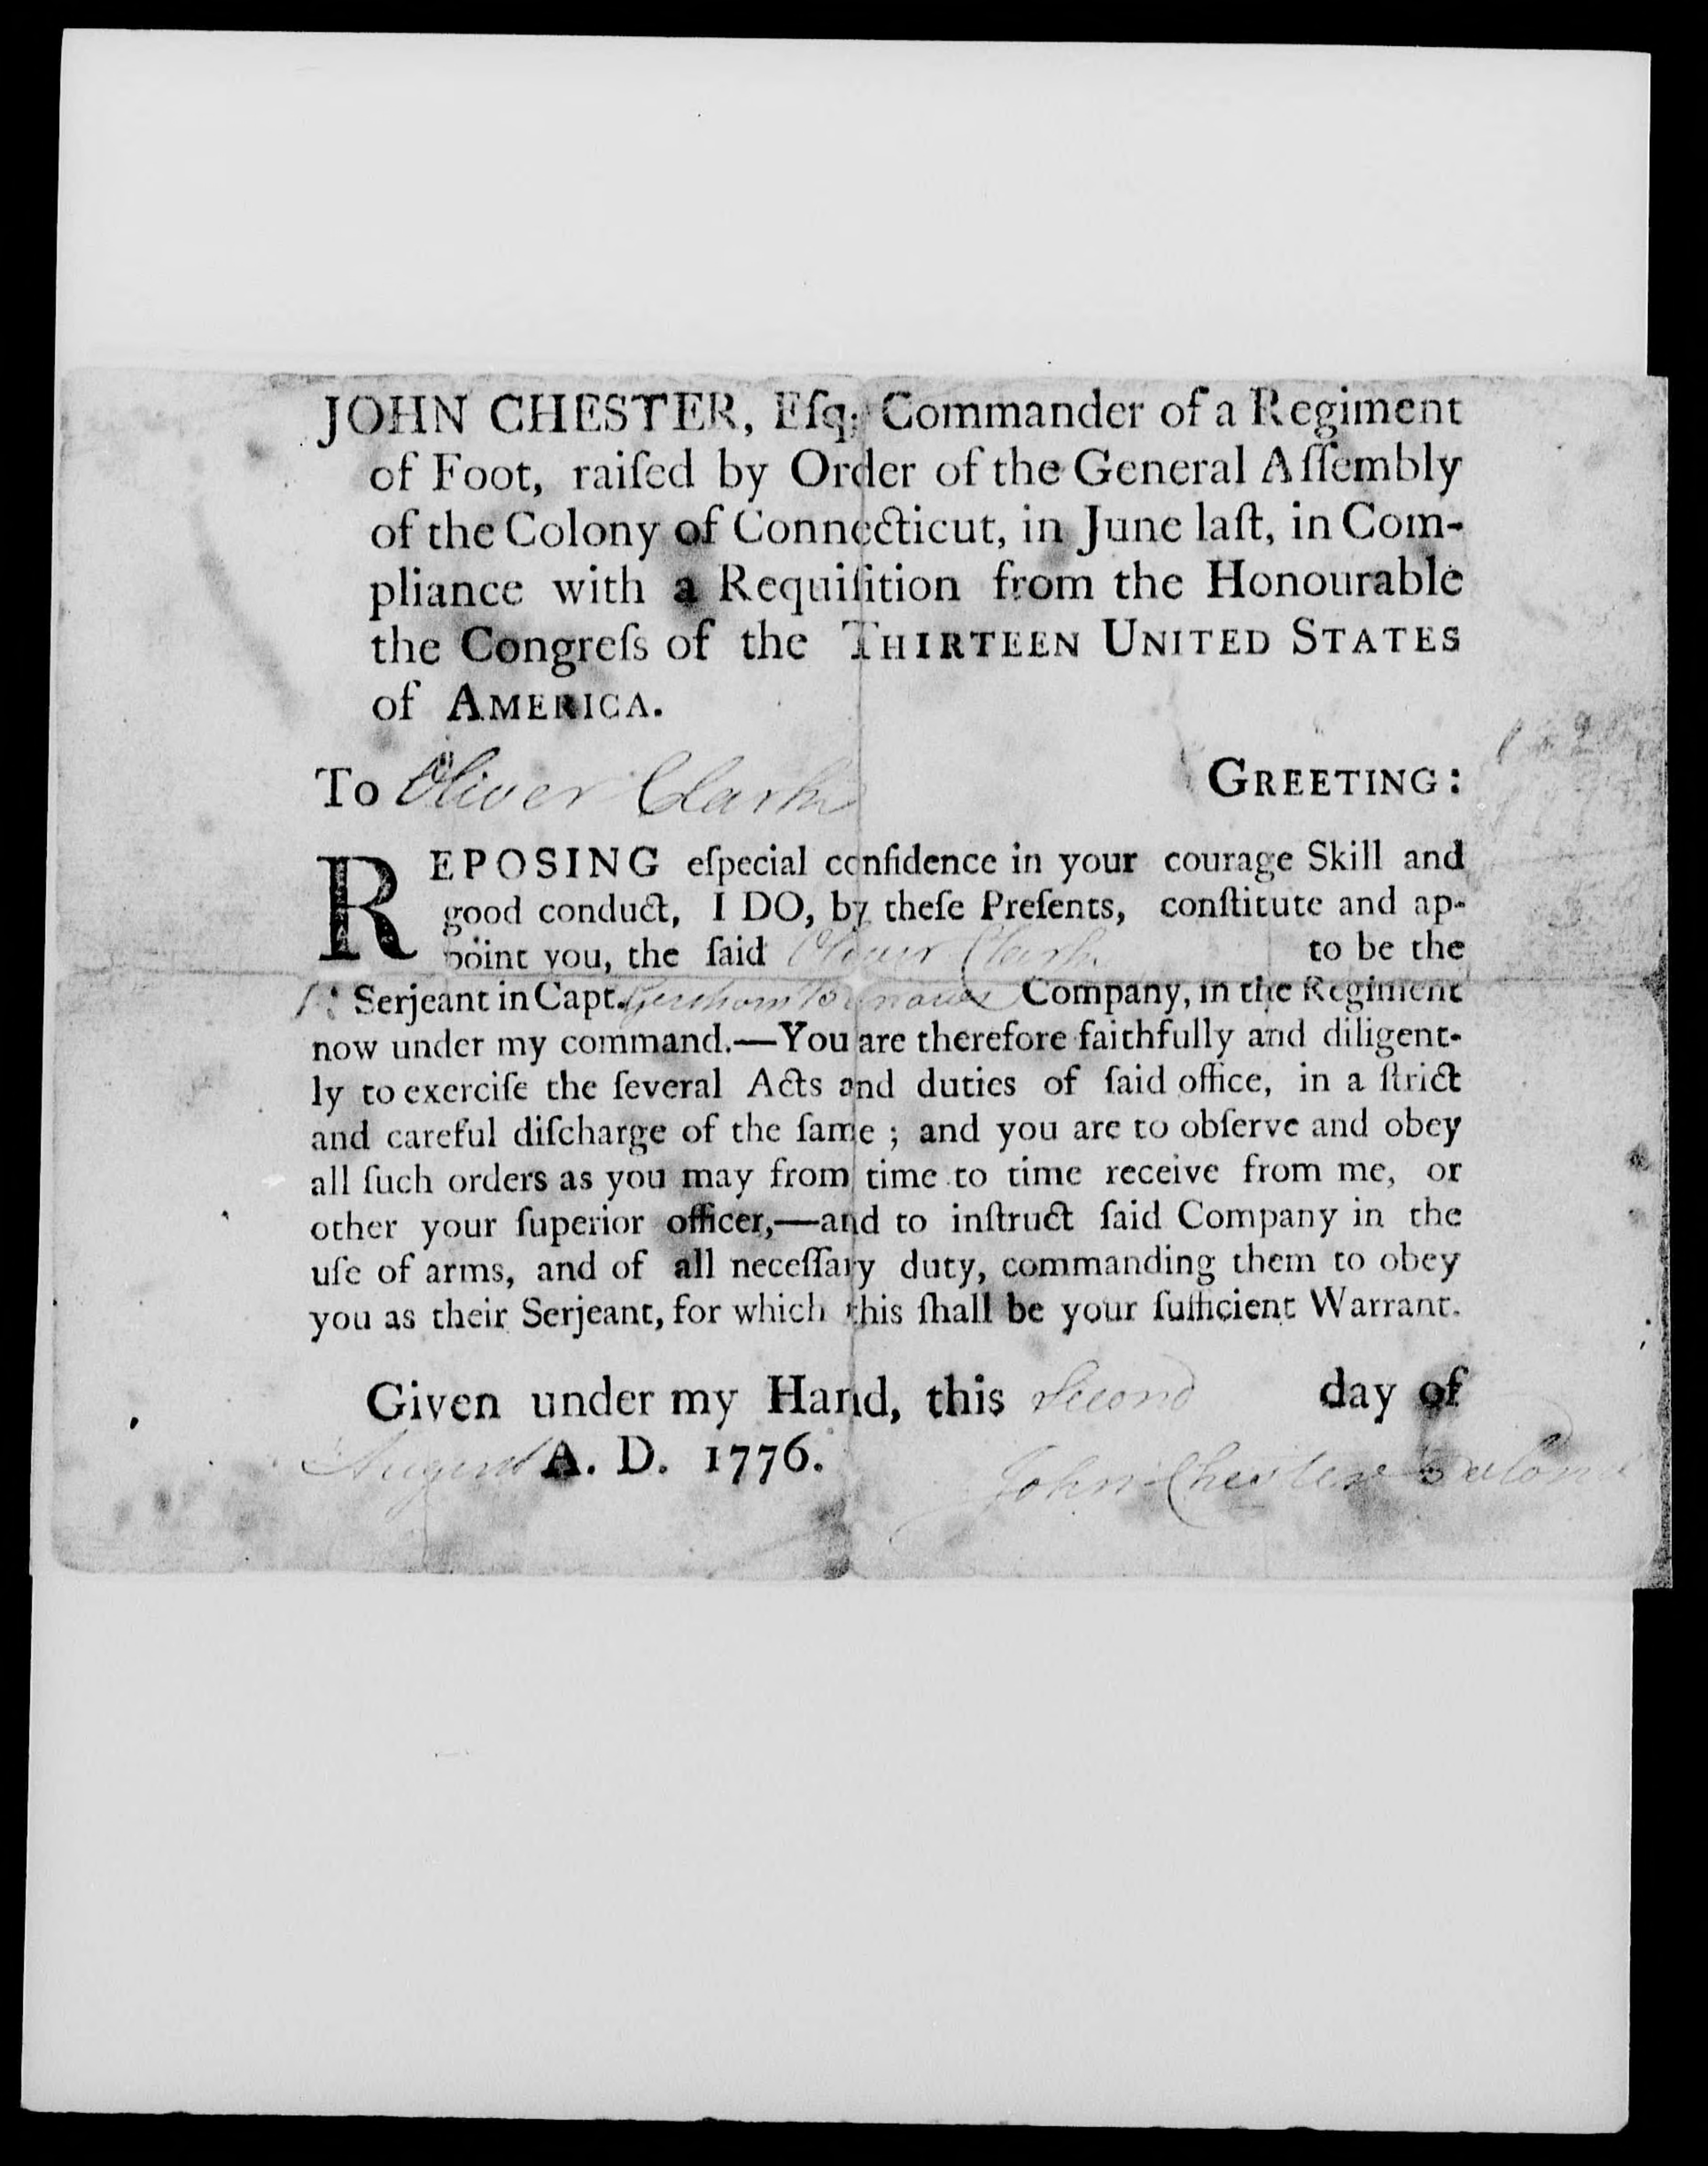[printed form completed in handwriting]
John Chester, Esq. Commander of a Regiment of Foot, raised by Order of the General Assembly of the Colony of Connecticut, in June last, in Compliance with a Requisition from the Honourable the Congress of the Thirteen United States of America.
 To Oliver Clark
Greeting:
Reposing especial confidence in your courage Skill and good conduct, I DO, by these Presents, constitute and appoint you, the said Oliver Clark to be the 1: Serjeant in Capt. Gersham Barrows Company, in the Regiment now under my command. – You are therefore faithfully and diligently to exercise the several Acts and duties of said office, in a strict and careful discharge of the same; and you are to observe and obey all such orders as you may from time to time receive from me, or other your superior officer, - and to instruct said Company in the use of arms, and of all necessary duty, commanding them to obey you as their Serjeant, for which this shall be your sufficient Warrant.

Given under my Hand, this Second day of August A.D. 1776. 
(signed) John Chester Colonel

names: Oliver Clark, Oliver Clark, John Chester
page: 49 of 51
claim: widow's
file: W. 23816, Oliver Clark, Conn.